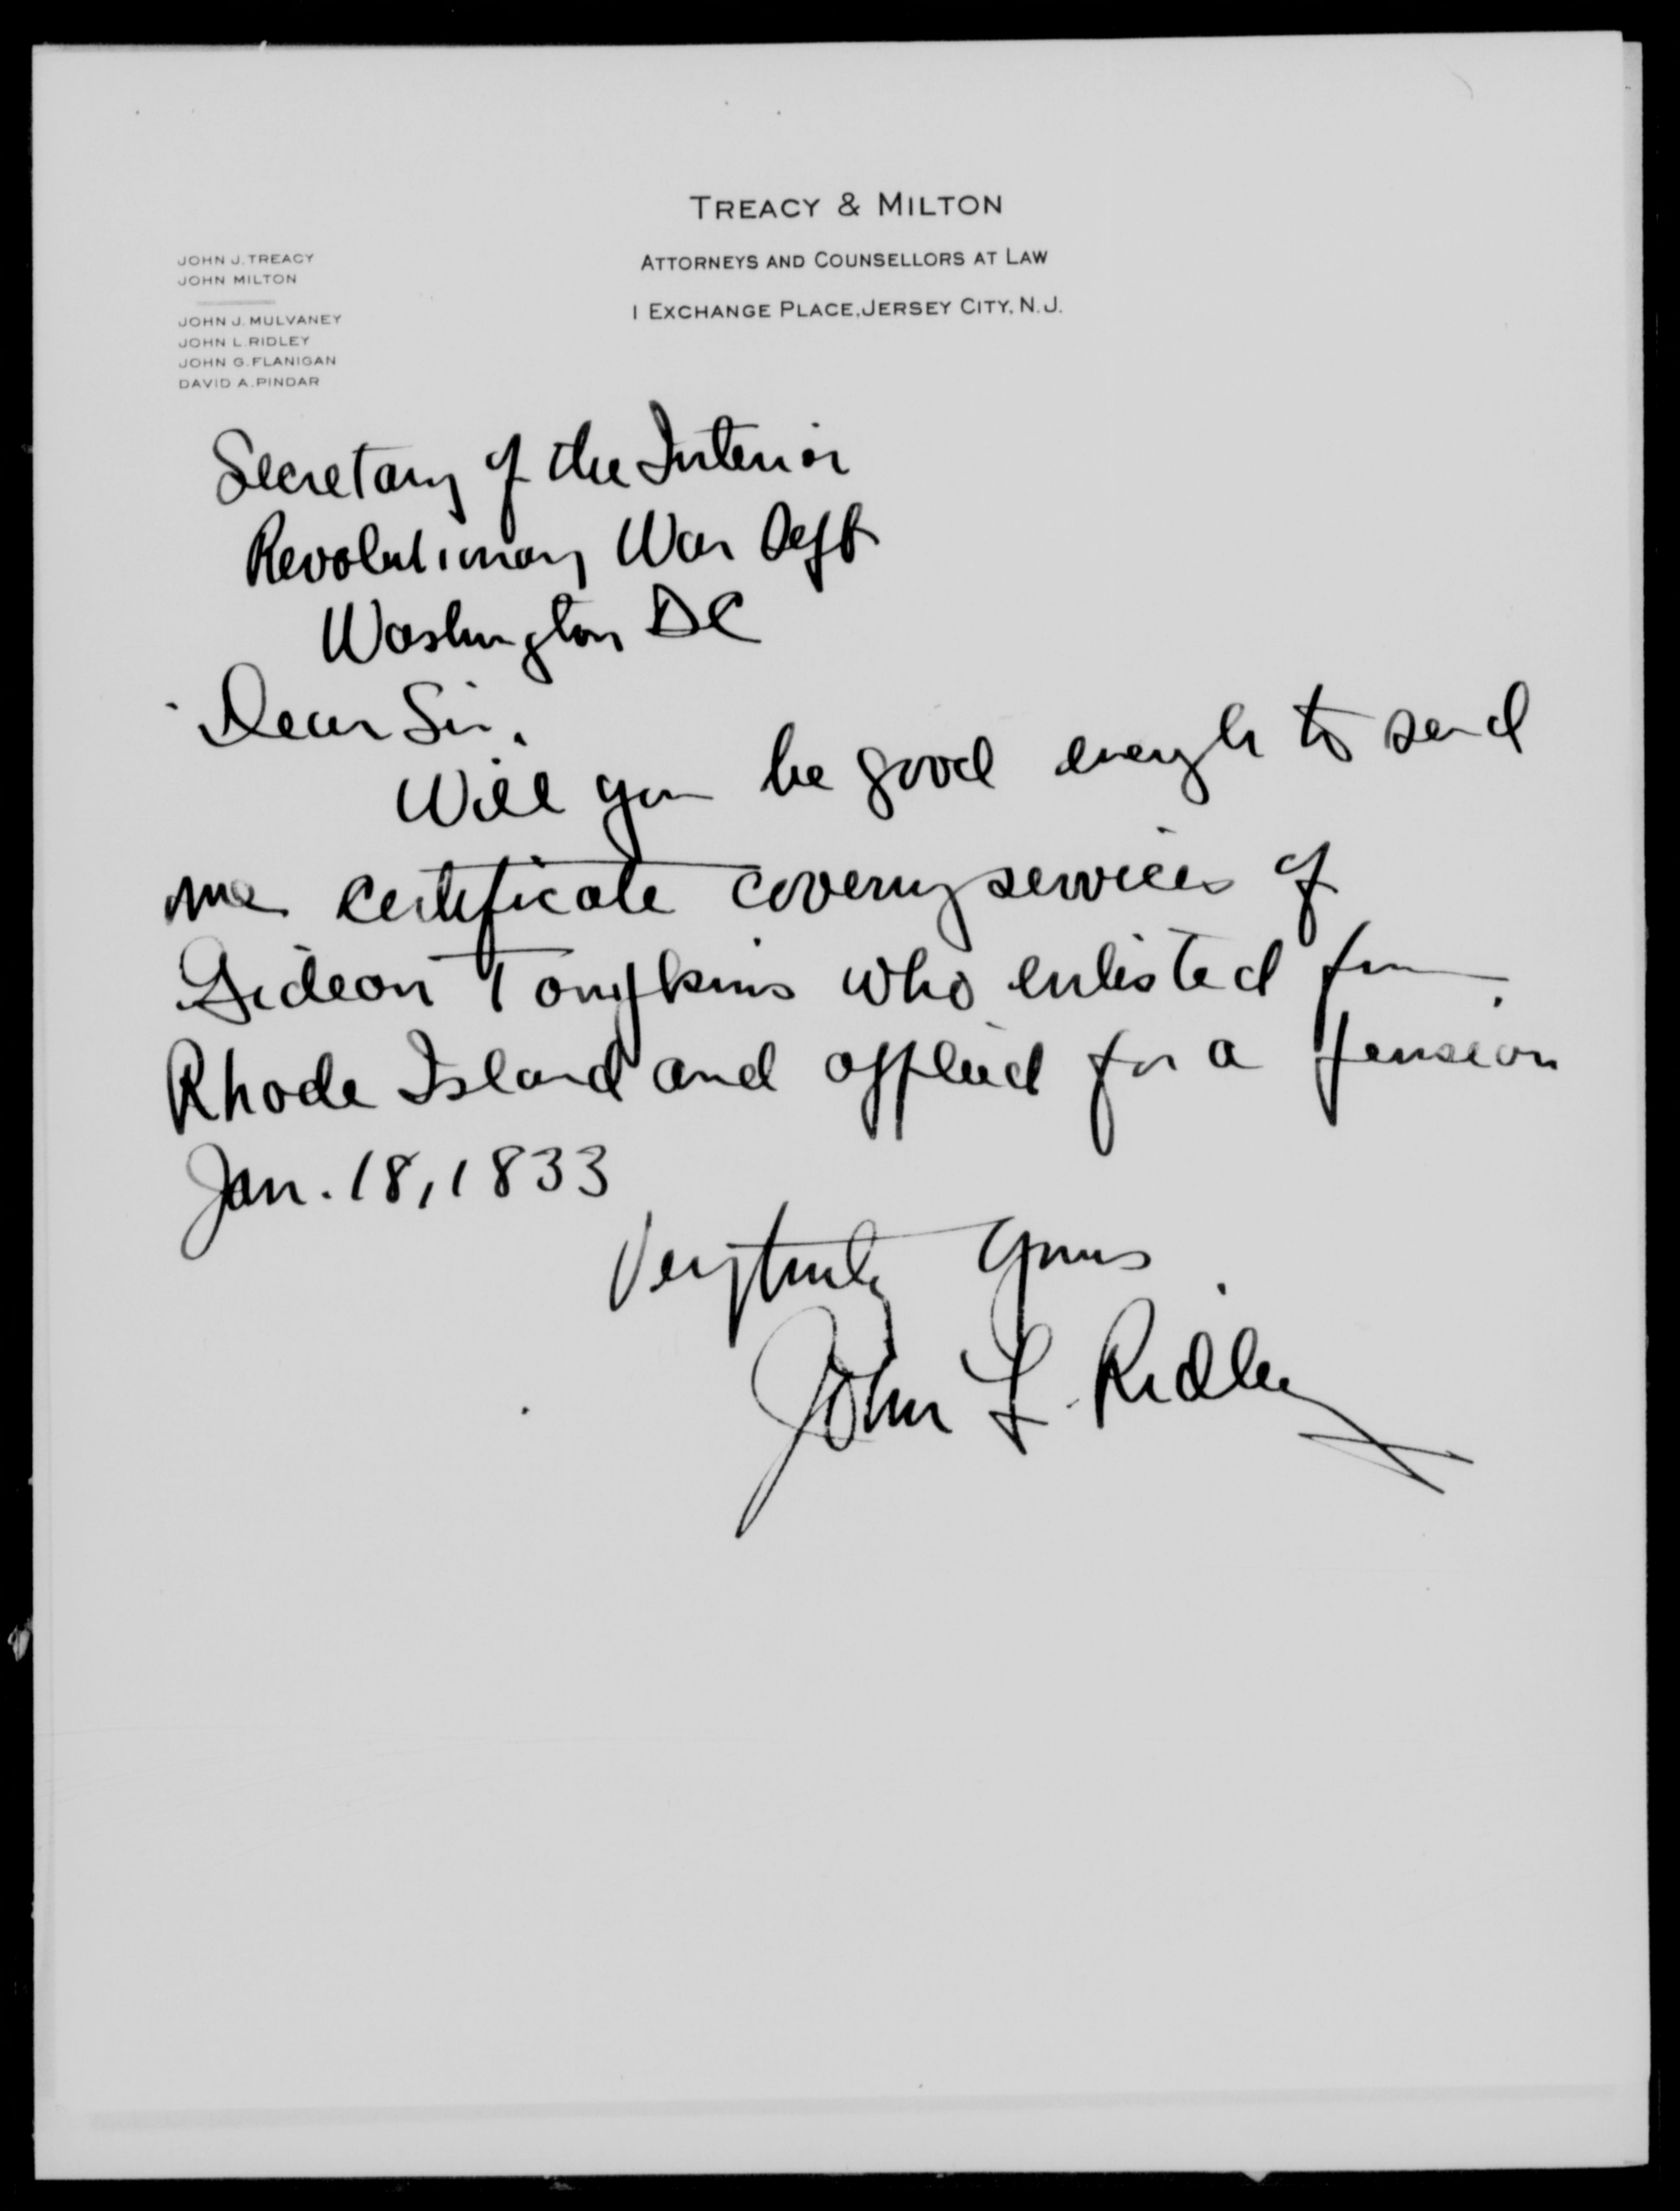JOHN J TREACY
JOHN MILTON
---
JOHN J. MULVANEY
JOHN L. RIDLEY
JOHN G. FLANIGAN
DAVID A. PINDAR

TREACY & MILTON
ATTORNEYS AND COUNSELLORS AT LAW
EXCHANGE PLACE, JERSEY CITY, N. J.

Secretaryof the Interior
Revolutionary War Dept
Washington DC

Dear Sir
Will you be good enough to send
me certificate covering services of
Gideon Tompkins who enlisted from
Rhode Island and applied for a pension
Jan. 18, 1833

Very truly yours,
John L. Ridley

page: 15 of 25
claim: survivor's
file: S. 22,023, for Gideon Tompkins, Rhode Island